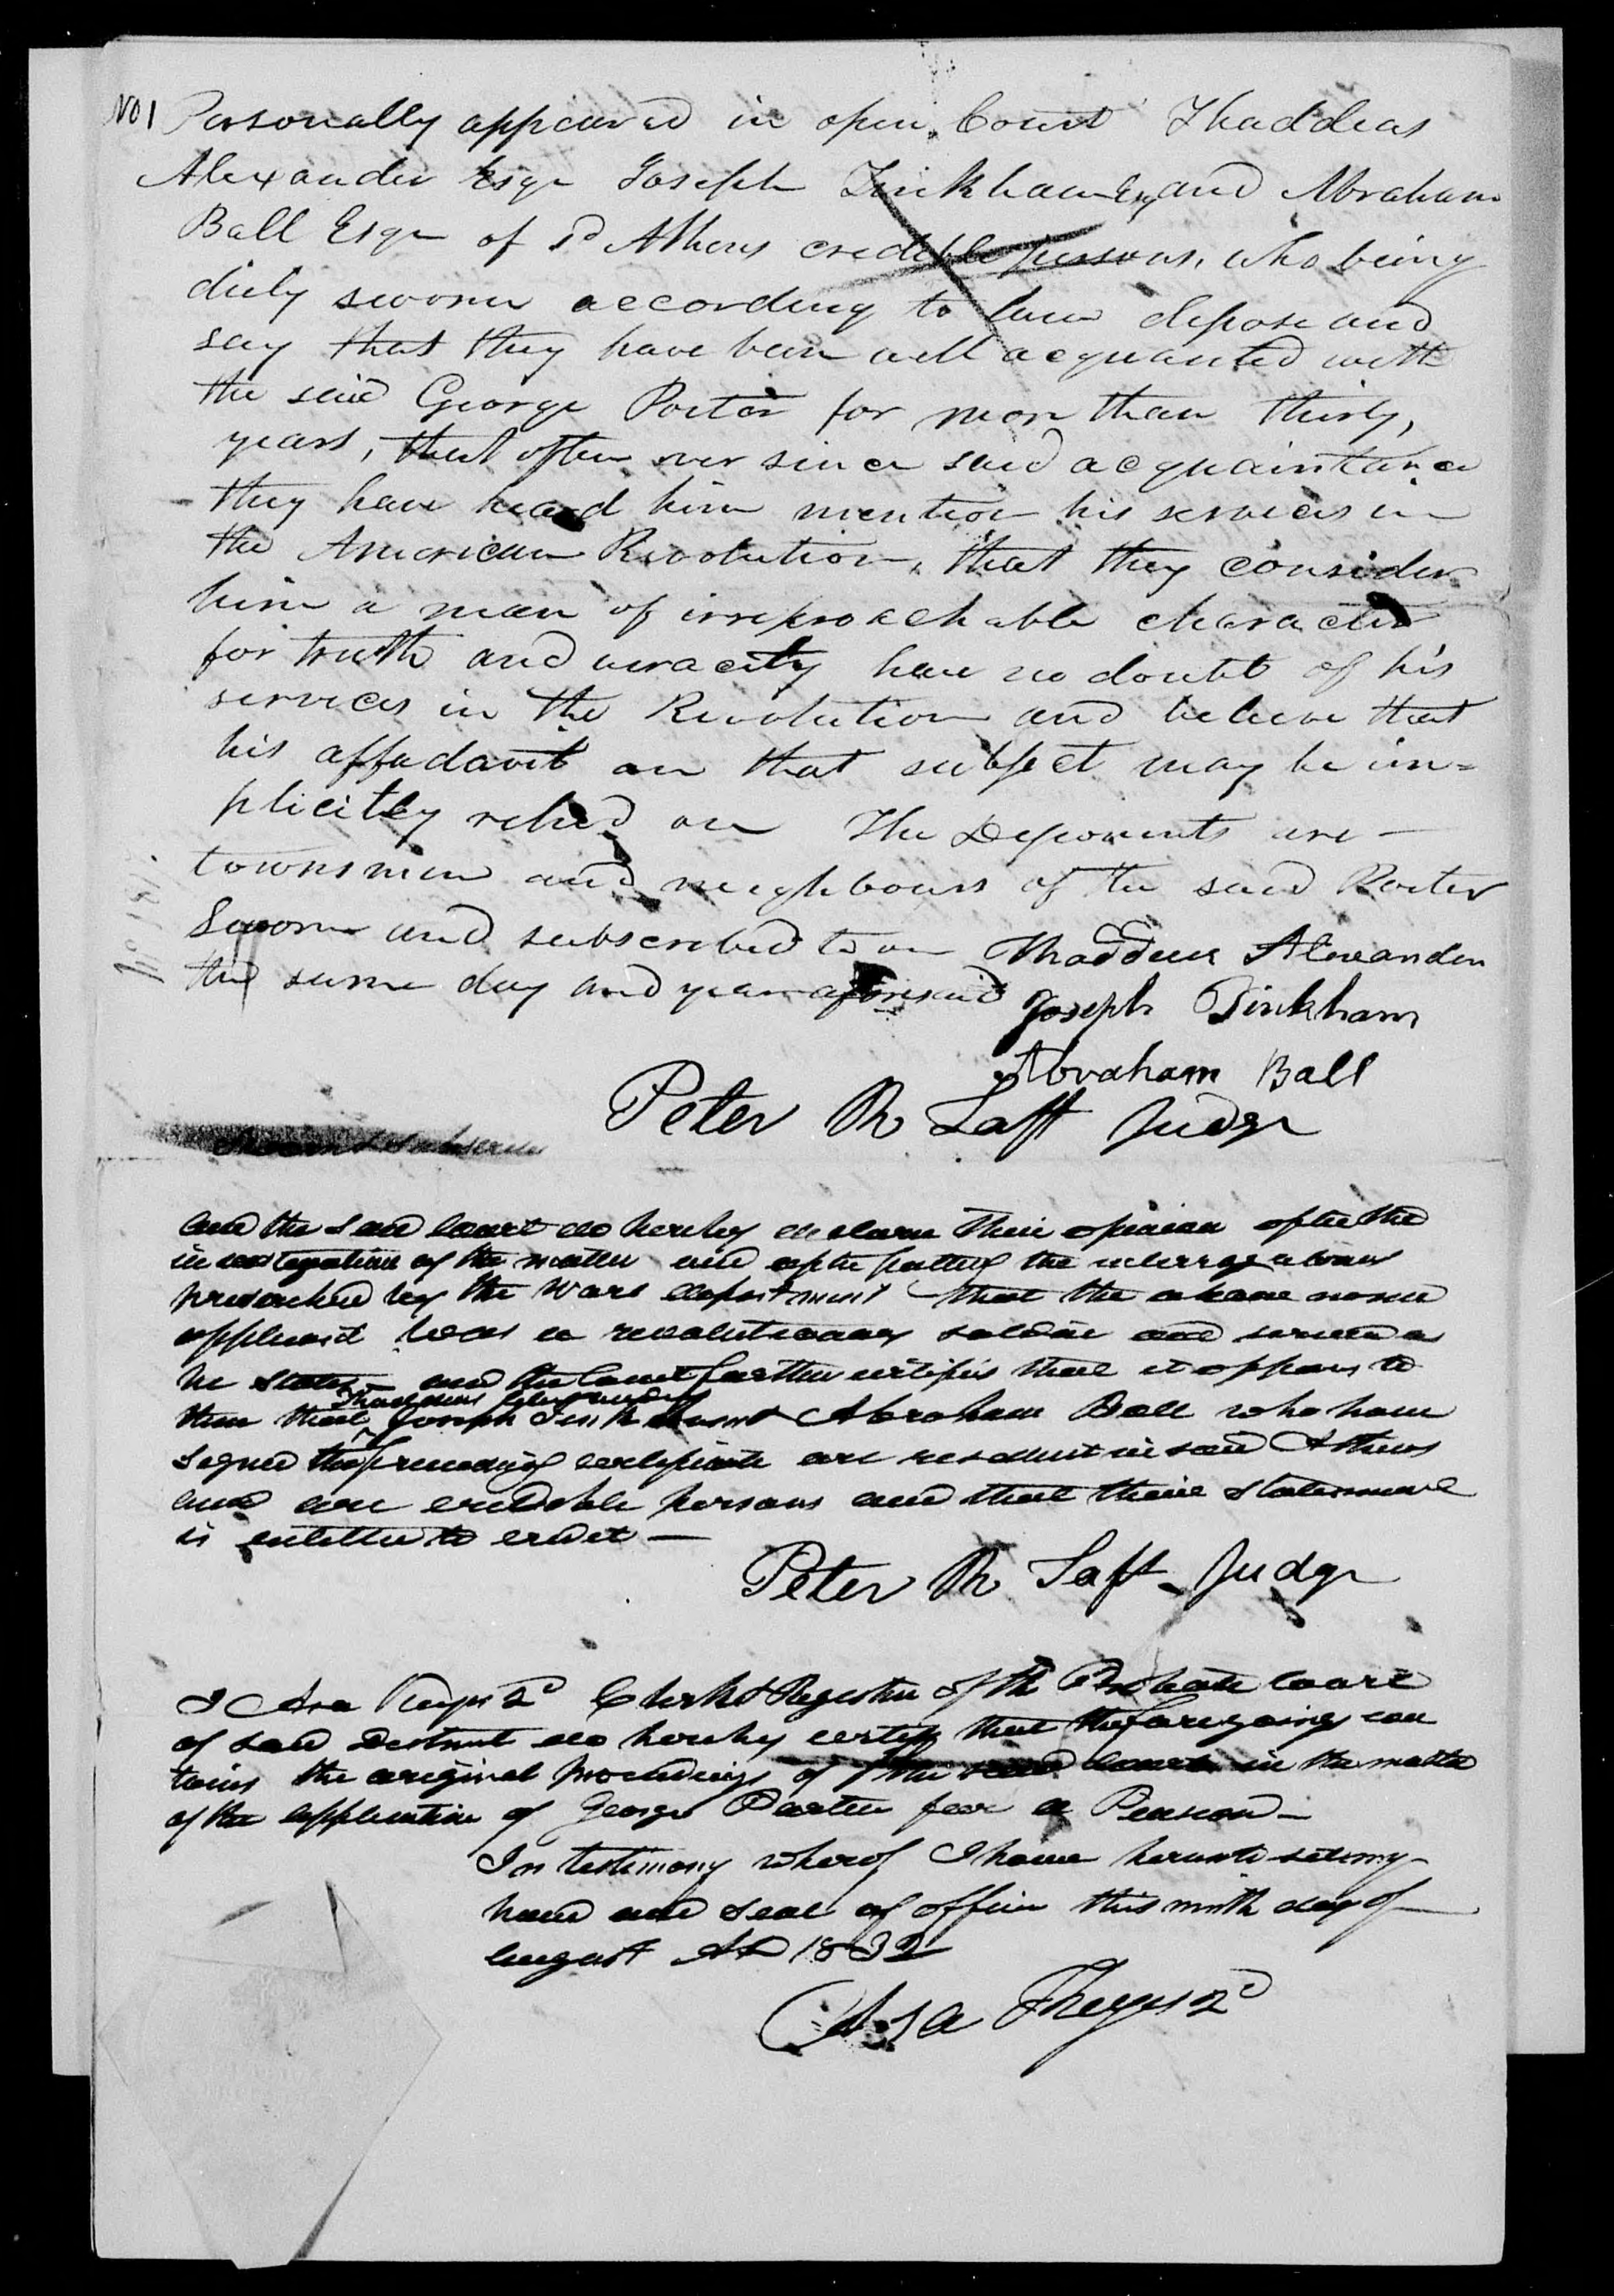No 1   Personally appeared in open Court Thaddeus Alexander Esqr Joseph Tinkham Esq and Abraham Ball Esqr of sd. Athens credible persons, who being duly sworn according to law depose and say that they have been well acquainted with the said George Porter for more than thirty, years, that often ever since said acquaintance they have heard him mention his services in the American Revolution, that they consider him a man of irreproachable character for truth and veracity have no doubt of his services in the Revolution and believe that his affidavit on that subject may be implicitly relied on The Deponents are townsmen and neighbours of the said Porter
Thaddeus Alexander
Joseph Tinkham
Abraham Ball

Sworn and subscribed to on me this same day and year aforesaid
Peter R Saft Judge

And the said Court do hereby declare their opinion of the investigation of the matter and after the [illegible] above [illegible] by the Wars department that the above named applicant was a revolutionary soldier and served as he states - and the Court further certifies that it appears to them that Thaddeus Alexander Joseph Tinkham & Abraham Bell who have signed the preceding certificate are resident in said Athens and are credible persons and that their statement is entitled to credit-
Peter R Satt Judge

I Asa Theyer 2d Clerk & Register of the Probate Court of said Deptment do hereby certify that the foregoing contains the original proceeding of the said Court in the matter of the application of George Porter for a Pension.
In testimony whereof I have hereunto set my hand and seal of office this ninth day of August AD 1832
Asa Theyer 2d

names: Abraham Ball; Joseph Tinkham; Thaddeas Alexander; Peter R Saft; Asa Theyer; George Porter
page: 6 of 49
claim: widow's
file: W. 2164, for George Porter, Massachusetts